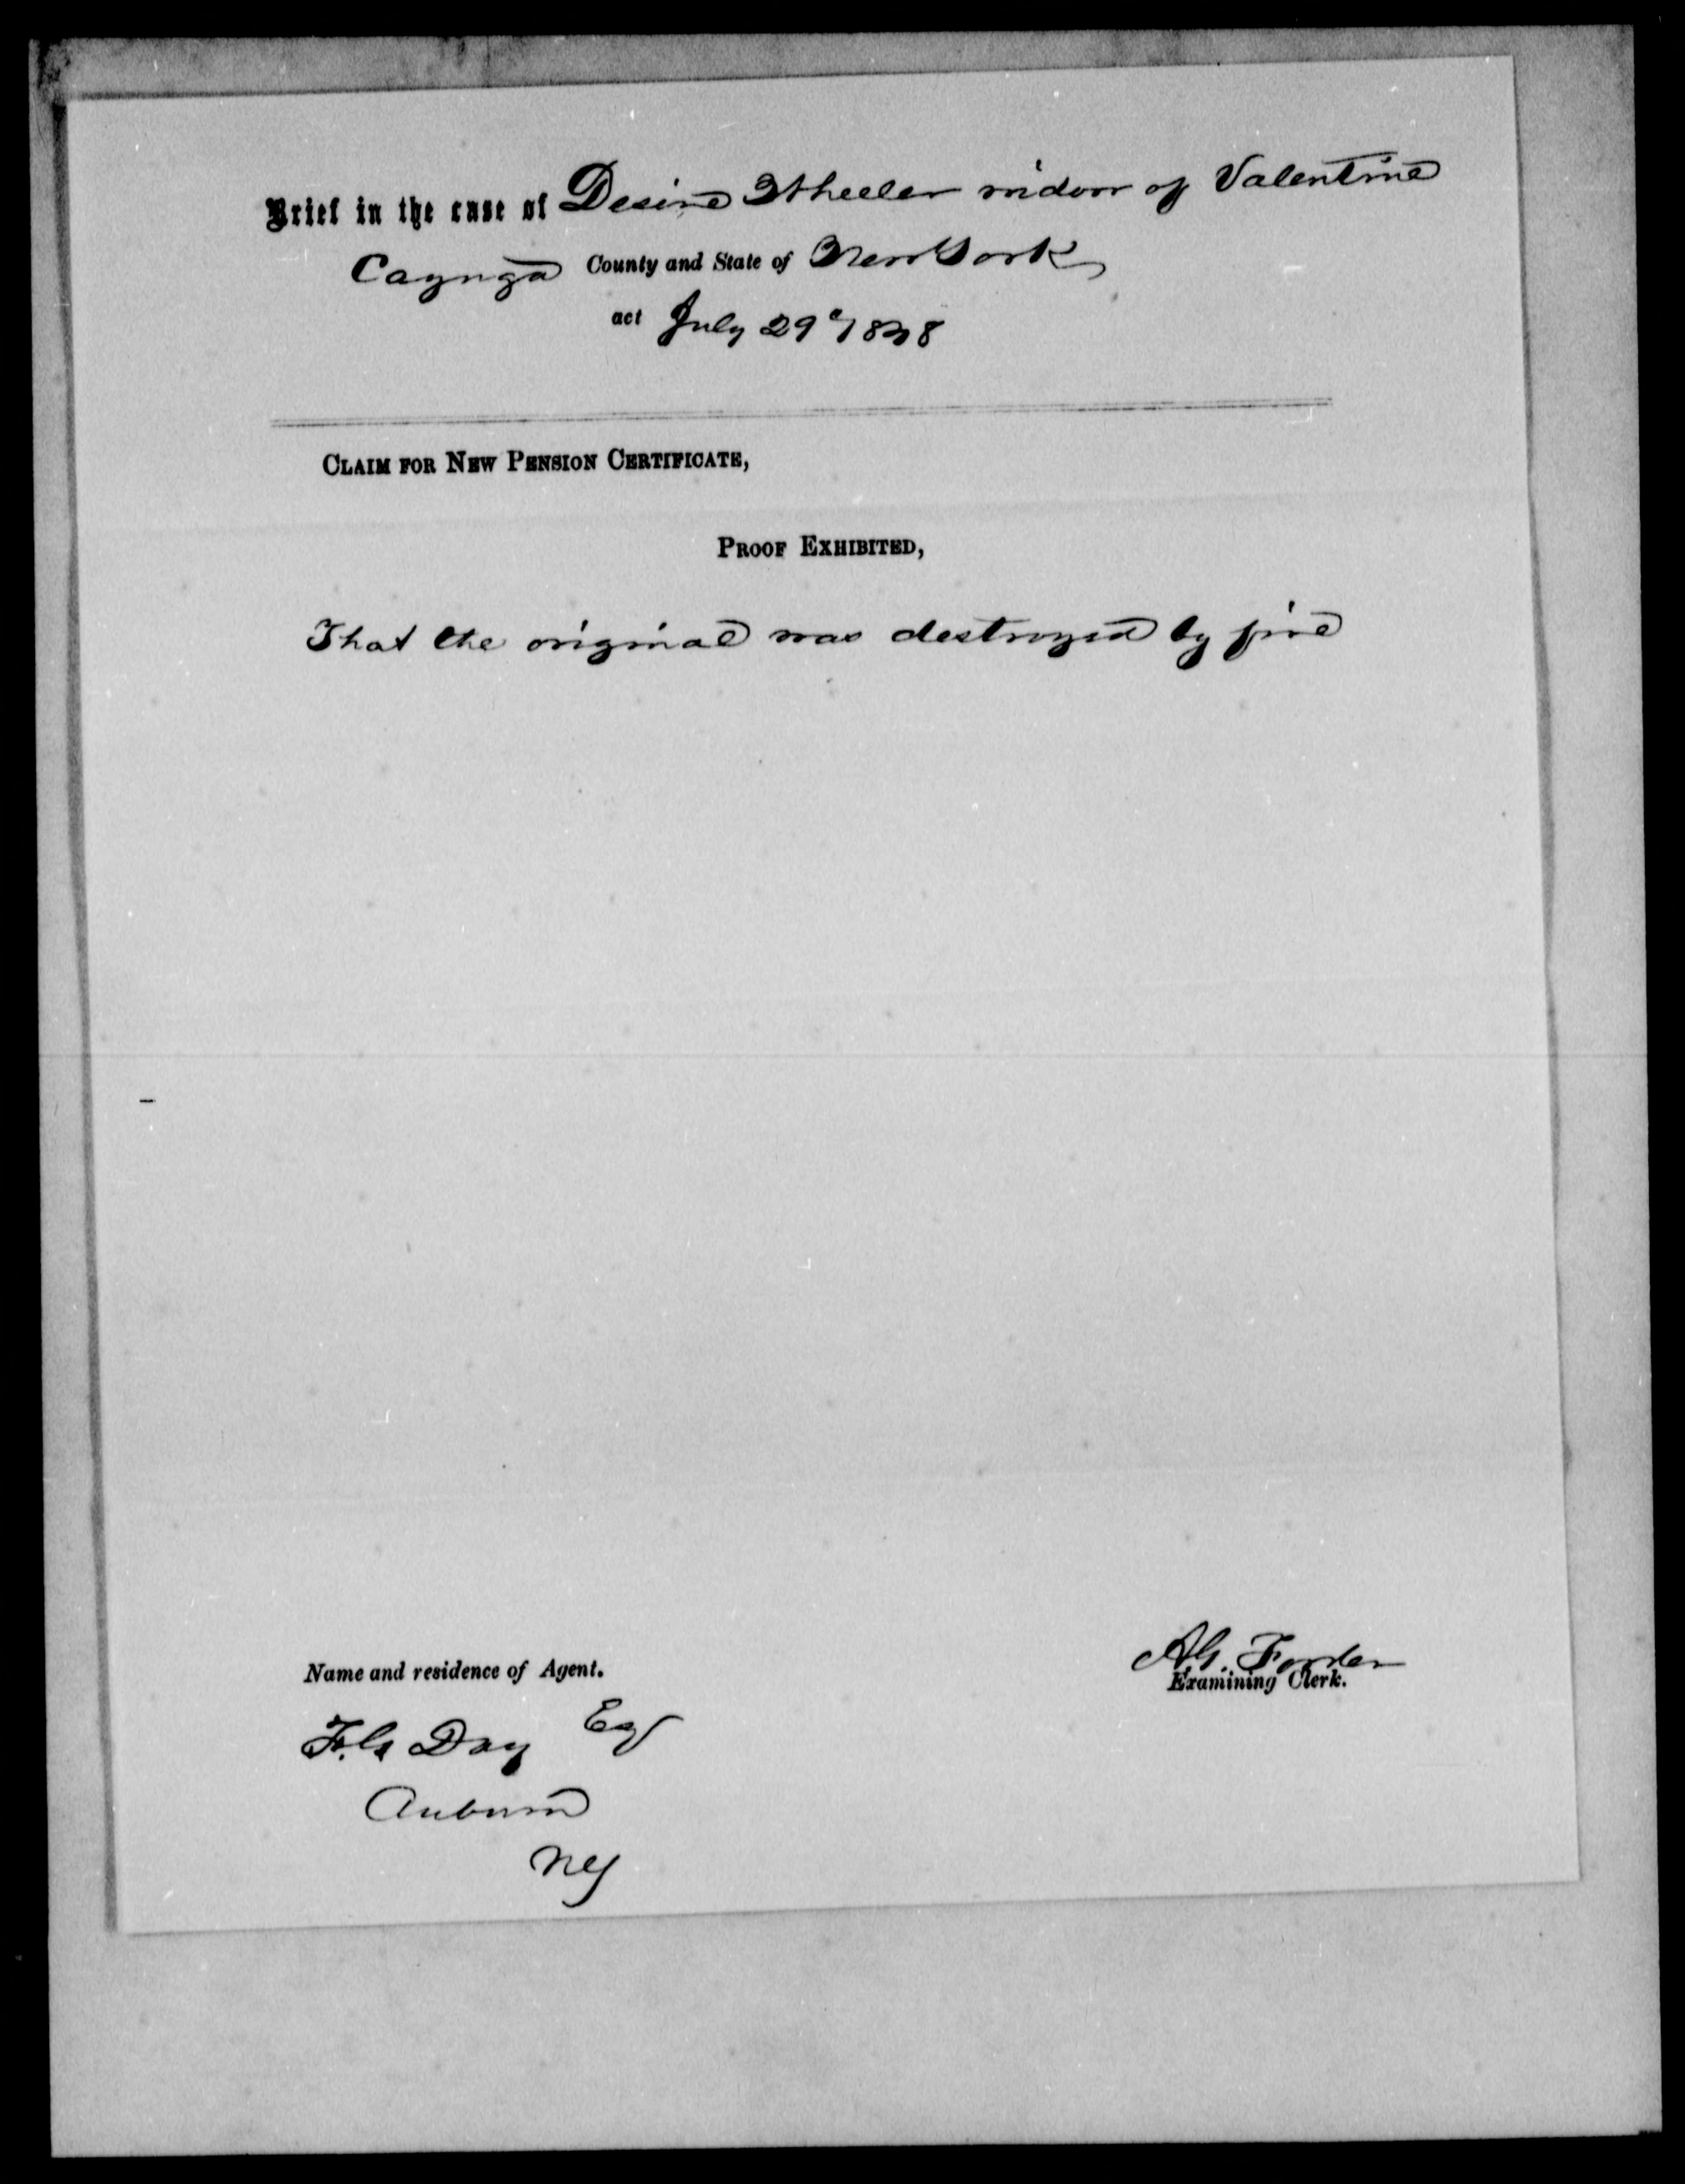Brief in the case of Desire Wheeler widow of Valentine Cayuga county and State of New York
act July 29th 1838

Claim for New Pension Certificate

Proof Exhibited
That the original was destroyed by fire

A. G. Fowler
Examining Clerk

Name and residence of Agent
F. G. Day
Auburn, N. Y.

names: A G Fowler, F G Day, Valentine Wheeler, Desire Wheeler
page: 68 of 98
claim: widow's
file: W. 1682, Valentine Wheeler, Mass.